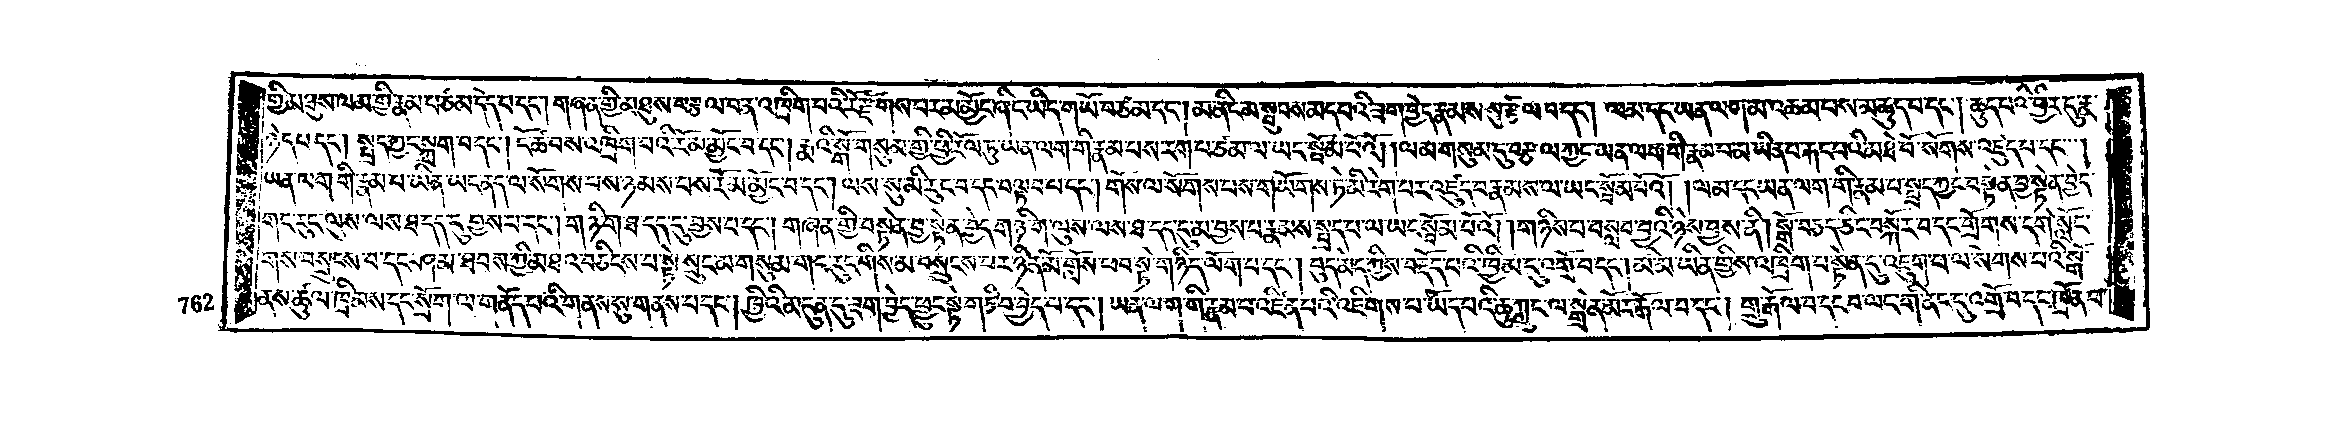གྱི་མཐུས་ལམ་གྱི་རྣམ་པ་ཙམ་དེད་པ་དང་། གཞན་གྱི་མཐུས་བརྩལ་བ་ན་འཁྲིག་པའི་རོ་རྫོགས་པར་མ་མྱོང་ཞིང་ཡིད་གཡོ་བ་ཙམ་དང་། མ་ནིང་མ་སྦུབས་མད་པའི་ཟག་བྱེད་རྣམས་སུ་རྩོལ་བ་དང་། ལམ་དང་ཡན་ལག་མ་འཆམ་པས་མ་ཆུད་པ་དང་། ཆུད་པའི་ཕྱིར་དུ་རྨ་
ཉེད་པ་དང་། སྤྲད་ཀྱང་སྐྲག་པ་དང་། ངོ་ཚ་བས་འཁྲིག་པའི་རོ་མ་མྱོང་བ་དང་། རྨའི་སྒོ་གསུམ་གྱི་ཕྱི་རོལ་ཏུ་ཡན་ལག་གི་རྣམ་པས་རག་པ་ཙམ་ལ་ཡང་སྦོམ་པོའོ། །ལམ་གསུམ་དུ་བརྩལ་ཀྱང་ཡན་ལག་གི་རྣམ་པ་མ་ཡིན་པ་རྐང་པའི་མཐེ་བོ་སོགས་འཛུད་པ་དང་།
ཡན་ལག་གི་རྣམ་པ་ཡིན་ཡང་ནད་ལ་སོགས་པས་ཉམས་པས་རོ་མ་མྱོང་བ་དང་། ལས་སུ་མི་རུང་བ་དང་བལྟབ་པ་དང་། གོས་ལ་སོགས་པས་གཡོགས་ཏེ་མི་རེག་པར་འཛུད་པ་རྣམས་ལ་ཡང་སྦོམ་པོའོ། །ལམ་དང་ཡན་ལག་གི་རྣམ་པ་སྤྲད་ཀྱང་བསྟེན་བྱ་སྟེན་བྱེད་
གང་རུང་ལུས་ལས་ཐ་དད་དུ་བྱས་པ་དང་། གཉིག་ཐ་དད་དུ་བྱས་པ་དང་། གཞན་གྱི་བསྟེན་བྱ་སྟེན་བྱེད་གཉི་ག་ལུས་ལས་ཐ་དད་དུ་མ་བྱས་པ་རྣམས་སྤྲད་པ་ལ་ཡང་སྦོམ་པོའོ། །གཉིས་པ་བསླབ་བྱའི་ཉེས་བྱས་ནི། སྒོ་བཅད་ཅིང་བསྐོར་བ་དང་གྲོགས་དགེ་སློང་
གས་བསྲུངས་བ་དང་ཤམ་ཐབས་ཀྱི་མཐའ་བཅིངས་པ་སྟེ་སྲུང་མ་གསུམ་གང་རུང་གིས་མ་བསྲུངས་པར་ཉིན་མོ་གློས་ཕབ་སྟེ་གཉིད་ལོག་པ་དང་། བུད་མེད་ཀྱིས་བརྡོད་པའི་ཁྱིམ་དུ་འགྲོ་བ་དང་། མི་མ་ཡིན་གྱིས་འཁྲིག་པ་སྟེན་དུ་འཇུག་པ་ལ་སོགས་པའི་སྒོ་
ནས་ཚུལ་ཁྲིམས་དང་སྲོག་ལ་གནོད་པའི་གནས་སུ་གནས་པ་དང་། ཁྱིའི་མདུན་དུ་ཟག་བྱེད་ཕྱུང་སྟེ་གཙི་བ་བྱེད་པ་དང་། ཡན་ལག་གི་རྣམ་པ་འཛིན་པའི་འཇིགས་པ་ཡོད་པའི་ཆུ་ཀླུང་ལ་སྒྲེན་མོར་རྒོལ་བ་དང་། གྲུ་རྒོལ་བ་དང་བ་ལང་གི་ནང་དུ་འགྲོ་བ་དང་ཁྲོན་?་པ་